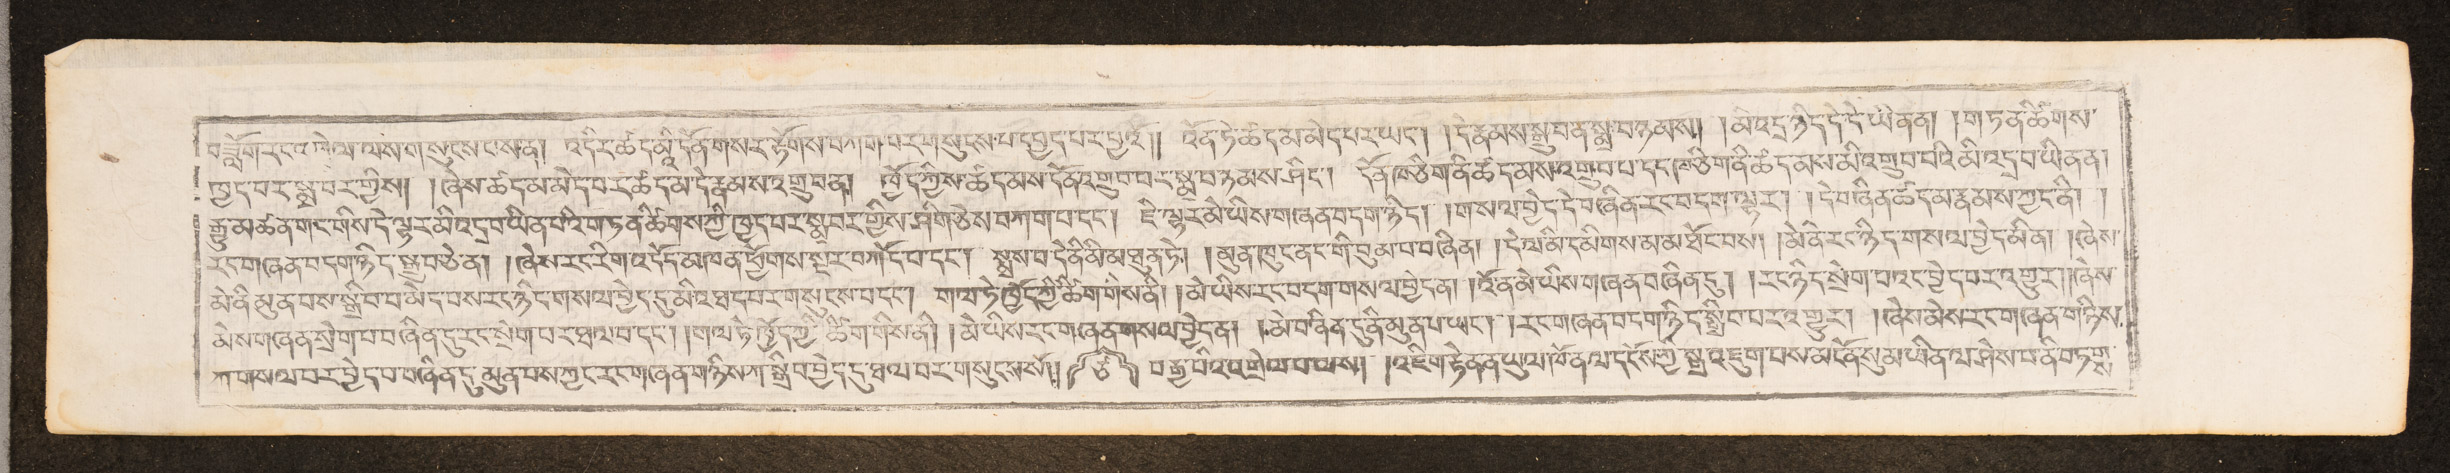བཟློག་རང་འགྲེལ་ལས་གསུངས་པས་ན། འདིར་ཚད་མཱི་དོན་གསར་རྟོགས་བཀག་པར་གསུངས་པ་དཔྱད་པར་བྱའོ།། འོན་ཏེ་ཚད་མ་མེད་པར་ཡང་། །དེ་རྣམས་སྒྲུབ་ན་སྨྲ་བ་ཉམས། །མི་འདྲ་ཉིད་དེ་དེ་ཡིན་ན། །གཏན་ཚིགས་
ཁྱད་བར་སྨྲ་བར་གྱིས། །ཞེས་ཚད་མ་མེད་པར་ཚད་མ་དེ་རྣམས་འགྲུབ་ན། ཁྱོད་ཀྱིས་ཚད་མས་དོན་འགྲུབ་པར་སྨྲ་བ་ཉམས་ཤིང་། དོན་ཁ་ཅིག་ནི་ཚད་མས་འགྲུབ་པ་དང་ཁ་ཅིག་ནི་ཚད་མས་མི་འགྲུབ་པའི་མི་འདྲ་བ་ཡིན་ན།
རྒྱུ་མཚན་གང་གིས་དེ་ལྟར་མི་འདྲ་བ་ཡིན་པའི་གཏན་ཚིགས་ཀྱི་ཁྱད་པར་སྨྲ་བར་གྱིས་ཤིག་ཅེས་བཀག་པ་དང་། ཇི་ལྟར་མེ་ཡིས་གཞན་བདག་ཉིད། །གསལ་བྱེད་དེ་བཞིན་རང་བདག་ལྟར། །དེ་བཞིན་ཚད་མ་རྣམས་ཀྱང་ནི། །
རང་གཞན་བདག་ཉིད་སྒྲུབ་ཅེ་ན། །ཞེས་རང་རིག་འདོད་མཁན་ཕྱོགས་སྔར་བཀོད་པ་དང་། སྨྲས་པ་དེ་ནི་མི་མཐུན་ཏེ། །མུན་ཁུང་ནང་གི་བུམ་པ་བཞིན། །དེ་ལ་མི་དམིགས་མ་མཐོང་བས། །མེ་ནི་རང་ཉིད་གསལ་བྱེད་མིན། །ཞེས་
མེ་ནི་མུན་པས་སྒྲིབ་པ་མེད་པས་རང་ཉིད་གསལ་བྱེད་དུ་མི་འཐད་པར་གསུངས་པ་དང་། གལ་ཏེ་ཁྱོད་ཀྱི་ཚིག་གིས་ནི། །མེ་ཡིས་རང་བདག་གསལ་བྱེད་ན། །འོ་ན་མེ་ཡིས་གཞན་བཞིན་དུ། །རང་ཉིད་སྲེག་པའང་བྱེད་པར་འགྱུར། །ཞེས་
མེས་གཞན་སྲེག་པ་བཞིན་དུ་རང་སྲེག་པར་ཐལ་བ་དང་། །གལ་ཏེ་ཁྱོད་ཀྱི་ཚིག་གིས་ནི། །མེ་ཡིས་རང་གཞན་གསལ་བྱེད་ན། །མེ་བཞིན་དུ་ནི་མུན་པ་ཡང་། །རང་གཞན་བདག་ཉིད་སྒྲིབ་པར་འགྱུར། །ཞེས་མེས་རང་གཞན་གཉིས་
ཀ་གསལ་བར་བྱེད་པ་བཞིན་དུ་མུན་པས་ཀྱང་རང་གཞན་གཉིས་ཀ་སྒྲིབ་བྱེད་དུ་ཐལ་བར་གསུངས་སོ།། ༼༽ཙ༼༽ བརྒྱ་པའི་འགྲེལ་པ་ལས། །འཇིག་རྟེན་ན་ཡུལ་ཁོ་ན་ལ་དངོས་ཀྱི་སྒྲ་འཇུག་པས་མངོན་སུམ་ཡིན་ལ་ཤེས་པ་ནི་བཏགས་